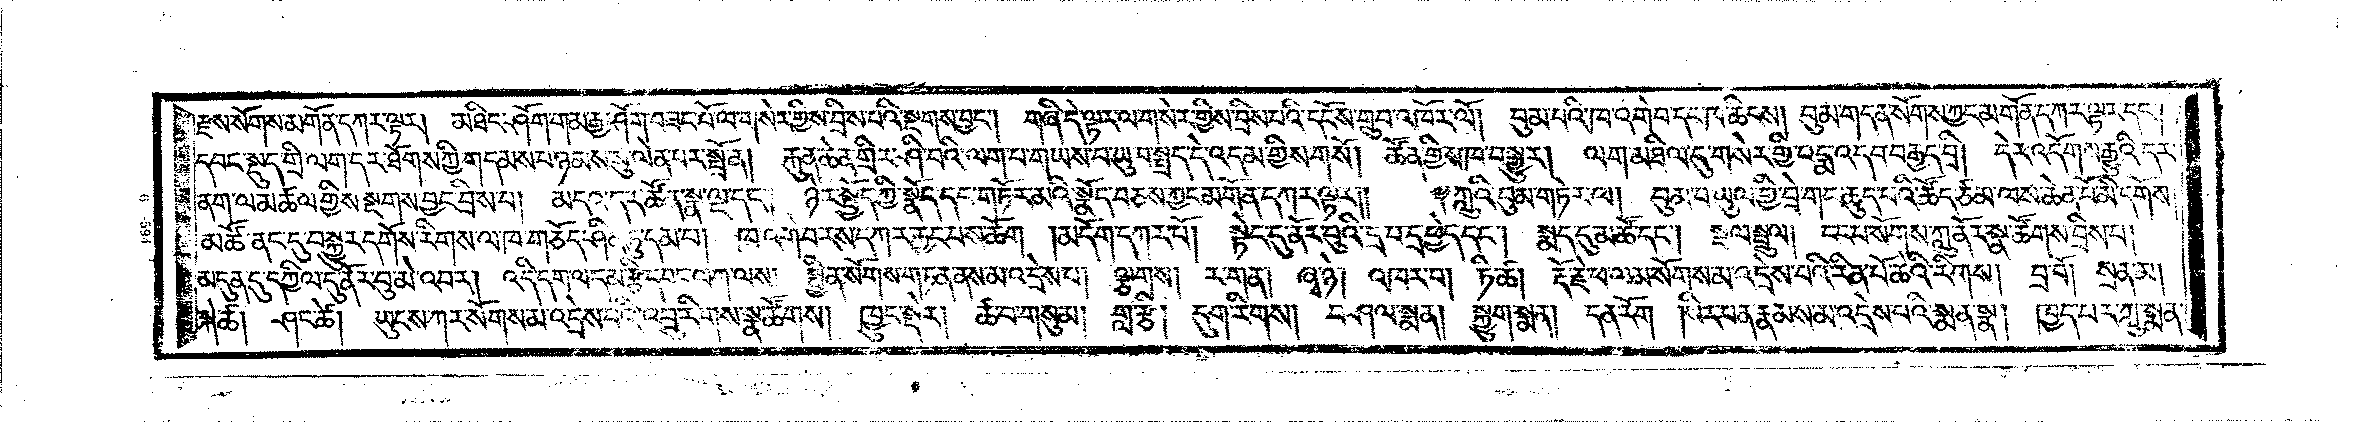རྫས་སོགས་མགོན་དཀར་ལྟར། མཐིང་ཤོག་གམ་རྒྱ་ཤོག་བཟང་པོ་ལ་གསེར་གྱིས་བྲིས་པའི་སྔགས་བྱང་། གཞི་དེ་ལྟར་ལ་གསེར་གྱིས་བྲིས་པའི་དངོས་གྲུབ་འཁོར་ལོ། བུམ་པའི་ཁ་འགེབ་དང་ཁ་ཆིངས། བུམ་གདན་སོགས་ཀྱང་མགོན་དཀར་ལྟར་དང་།
དབང་སྡུད་གྲི་ལག་དར་ཐོགས་ཀྱི་གདམས་པ་ཉམས་སུ་ལེན་པར་སྤྲོ་ན། རྐུན་ཆེན་གྲིར་ཤི་བའི་ལག་པ་གཡས་པ་ཡུ་བ་སྤྲད་དེ་འདམ་གྱིས་གསོ། ཚོན་གྱིས་ཁ་བསྒྱུར། ལག་མཐིལ་དུ་གསེར་གྱི་པདམ་འདབ་བརྒྱད་བྲི། དེར་འདོགས་རྒྱུའི་དར་
ནག་ལམ་ཚལ་གྱིས་སྔགས་བྱང་བྲིས་པ། མདའ་དར་ཚོན་སྣ་ལྔ་དང་། ཉེར་སྤྱོད་ཀྱི་སྣོད་དང་གཏོར་མའི་སྣོད་བཅས་ཀྱང་མགོན་དཀར་ལྟར།། ༈ ཀླུའི་བུམ་གཏེར་ལ། བུམ་པ་ཡུལ་གྱི་བྲེ་གང་ཆུད་པའི་ཚོད་ཙམ་ལས་ཆེན་པོ་མི་དགོས།
མཚོ་ནང་དུ་བསྐྱུར་དགོས་རིགས་ལ་ཁ་གཅོད་ཤིན་ཏུ་དམ་པ། ཁ་འགེབ་རས་དཀར་རྐྱང་པས་ཆོག །མདོག་དཀར་པོ། སྟེང་དུ་ནོར་བུའི་འདྲ་བ་དྲ་ཕྱེད་དང་། སྨད་དུ་མཚོ་དང་། སྤལ་སྦྲུལ། ངང་པ་སོགས་ཀླུ་ནོར་སྣ་ཚོགས་བྲིས་པ།
མདུན་དུ་དཀྱིལ་དུ་ནོར་བུ་མེ་འབར། འདི་དག་ལ་དམ་རྩི་དབང་ལག་ལས། སྤྱིན་སོགས་གཏན་ནས་མ་འདྲེས་པ། ལྕགས། ར་གན། ཞྭ་ཉེ། འཁར་བ། ཏི་ཚ། རྡོ་རྗེ་ཕ་ལམ་སོགས་མ་འདྲེས་པའི་རིན་པོ་ཆེའི་རིགས། བྲ་བོ། སྲན་མ།
སྐེ་ཚ། ཤང་ཚེ། ཡུངས་ཀར་སོགས་མ་འདྲེས་པའི་འབྲུ་རིགས་སྣ་ཚོགས། ཁྱུང་སྡེར། ཚ་བ་གསུམ། གླ་རྩི། དུག་རིགས། བཤལ་སྨན། སྐྱུག་སྨན། དན་རོག །སིར་པན་རྣམས་མ་འདྲེས་པའི་སྨན་སྣ། ཁྱད་པར་ཀླུ་སྨན་